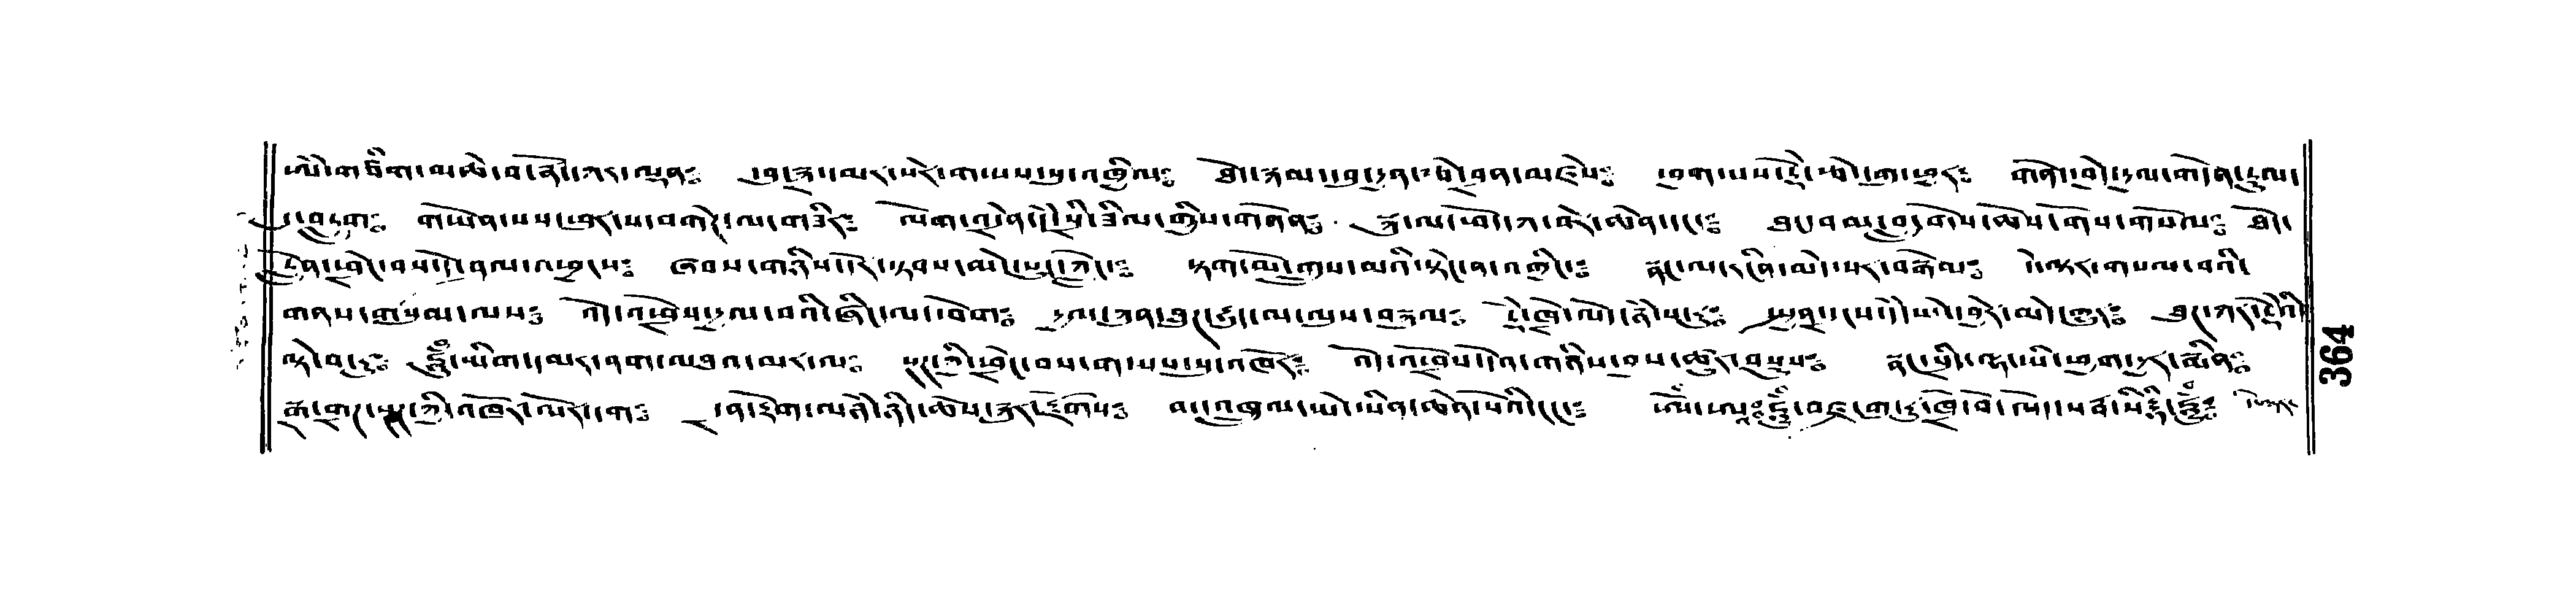ཨམ་གཙིགས་མཆེ་བ་རྣོ་དཀར་ལྡན༔ དབུ་སྐྲ་དམར་སེར་གཡས་སུ་འཁྱིལ༔ ཐོད་སྐམ་དབུ་རྒྱན་རྩེ་བྲན་མཛེས༔ ཕྱག་གཡས་རྡོ་རྗེ་རྩེ་དགུ་ཕྱར༔ གནོད་བྱེད་རྒྱལ་གདོན་རྡུལ་
དུ་བརླག༔ གཡོན་པས་ཕུར་པ་བགེགས་ལ་གཟིར༔ ལོག་འདྲེན་དམ་སྲི་ཟིལ་གྱིས་གནོན༔ སྐུ་ལ་ཕོད་ཀ་བེར་ཆེན་དང༔ ཐང་ཤམ་བླ་གོས་ཆོས་གོས་གསོལ༔ ཐོད་
རློན་ཕྲེང་བས་དོ་ཤལ་འཕྱངས༔ ཞབས་གཉིས་དོར་སྟབས་མེ་དཔུང་ཀློང༔ སྟག་མོ་གྲུས་མའི་སྟེང་ན་འགྱིང༔ སྣང་ལ་རང་བཞིན་མེད་པར་བསྒོམ༔ དེ་ལྟར་གསལ་བའི་
གནས་གསུམ་ལས༔ འོད་འཕྲོས་རྒྱལ་བའི་ཞིང་ལ་ཕོག༔ རྒྱལ་ཀུན་ཐུགས་རྒྱུད་མ་ལུས་བསྐུལ༔ རྡོ་རྗེ་གྲོ་ལོད་རྣམ་པར་རུ༔ སྤྱན་དྲངས་དམ་ཡེ་དབྱེར་མེད་གྱུར༔ ཐུགས་ཀར་རྡོ་རྗེའི་
ལྟེ་བ་རུ༔ ཧཱུྃ་ཡིག་དམར་ནག་མཐའ་མ་ལ༔ སྔགས་ཀྱི་ཕྲེང་བས་གཡས་སུ་འཁོར༔ འོད་འཕྲོས་དོན་གཉིས་བྱས་ཚུར་བསྡུས༔སྣང་སྲིད་ལྷ་ཡི་ཕྱག་རྒྱར་སྨིན༔ 
སྒྲ་གྲགས་སྔགས་ཀྱི་འཁོར་ལོར་དག༔ དྲན་རྟོག་མཉམ་ཉིད་ཆོས་སྐུར་རྫོགས༔ མ་འཁྲུལ་ཡེ་ཡིན་ཆེན་པོའི་ངང༔ ཨོཾ་ཨཱཿཧཱུྃ་བཛྲ་གུ་རུ་གྲོ་བོ་ལོད་སརྦ་སིདྡྷི་ཧཱུྃ༔ དེ་ལྟར་